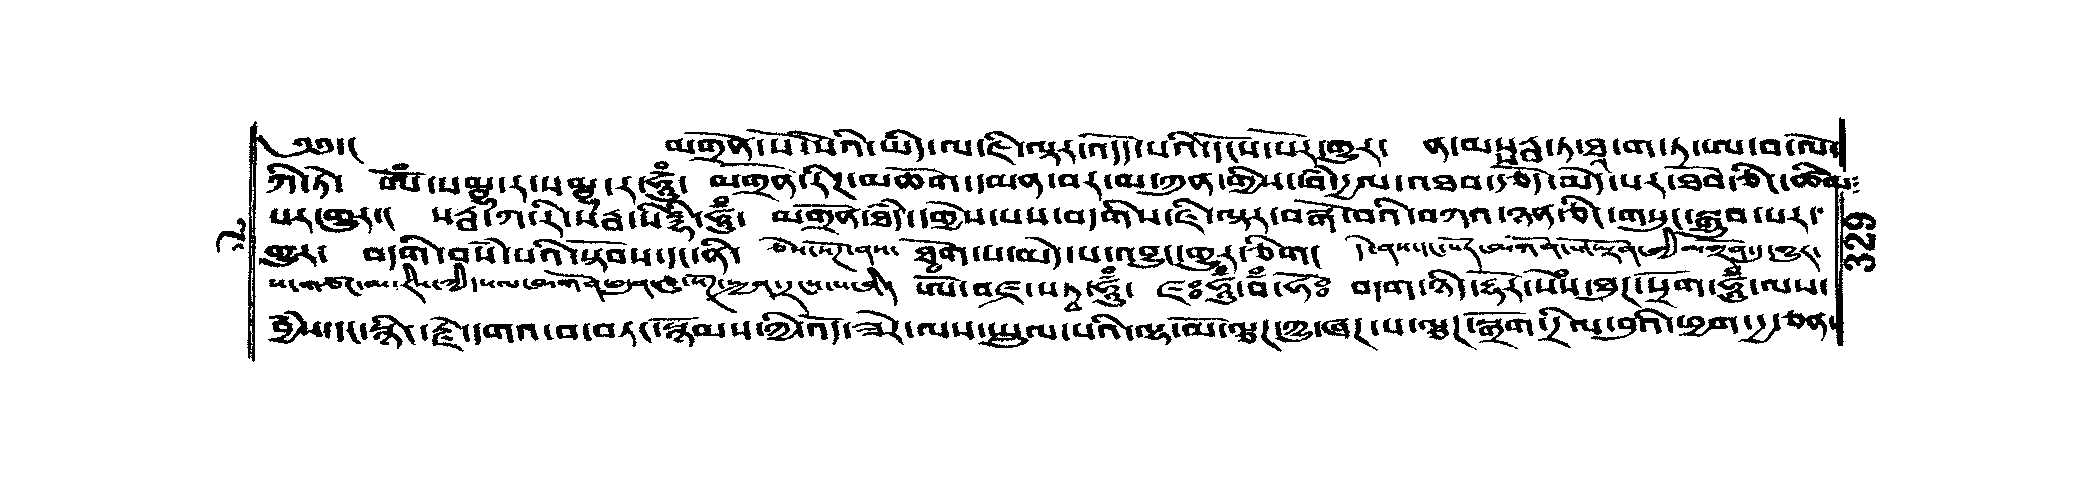མགྲོན་སོ་སོའི་ཡིད་ལ་ཇི་ལྟར་འདོད་པའི་དངོས་པོར་གྱུར། ན་མ་སརྦ་ཏ་ཐཱ་ག་ཏ་ཨ་ཝ་ལོ་
ཀི་ཏེ། ཨོཾ་སམྦྷ་ར་སམྦྷ་ར་ཧཱུྃ། མགྲོན་རིགས་མཆོག་དམན་བར་མ་ཀུན་གྱིས་ཕམ་རྒྱལ་ཐབས་རྩོད་མེད་པར་ཐོབ་ཅིང་ཚིམ་
པར་གྱུར། སརྦ་ཀ་རི་སརྦ་སིདྡྷི་ཧཱུྃ། མགྲོན་ཐམས་ཅད་དགྱེས་པས་བདག་གིས་ཇི་ལྟར་བསྒོ་བའི་བཀའ་་ཉན་ཅིང་གསུང་སྒྲུབ་པར་
གྱུར། བདག་གི་བསམ་པའི་སྟོབས་དང་ནི། ཞེས་སོགས་ནས། ཐོགས་པ་མེད་པ་འབྱུང་གྱུར་ཅིག དེ་ནས་དང་པོར་མགོན་པོ་ཡོན་ཏན་གྱི་མགྲོན་དུ་གྱུར་
པ་གཙང་མ་རིས་ཀྱི་དཔལ་མགོན་བདུན་ཅུ་སོགས་སྤྱན་དྲངས་པ་ནི། ཨོཾ་བཛྲ་ས་ཏྭ་ཧཱུྃ། ཛཿཧཱུྃ་བྃ་ཧོཿ བདག་ཉིད་རྡོར་སེམས་ཀྱི་ཐུགས་སྲོག་ཧཱུྃ་ལས་
བྱམས་དང་སྙིང་རྗེ་དགའ་བ་བཏང་སྙོམས་ཀྱི་འོད་ཟེར་ལས་སྤྲུལ་པའི་ལྷ་མོ་ལྕགས་ཀྱུ་ཞགས་པ་ལྕགས་སྒྲོག་དྲིལ་བུའི་ཕྱག་རྒྱ་ཅན་